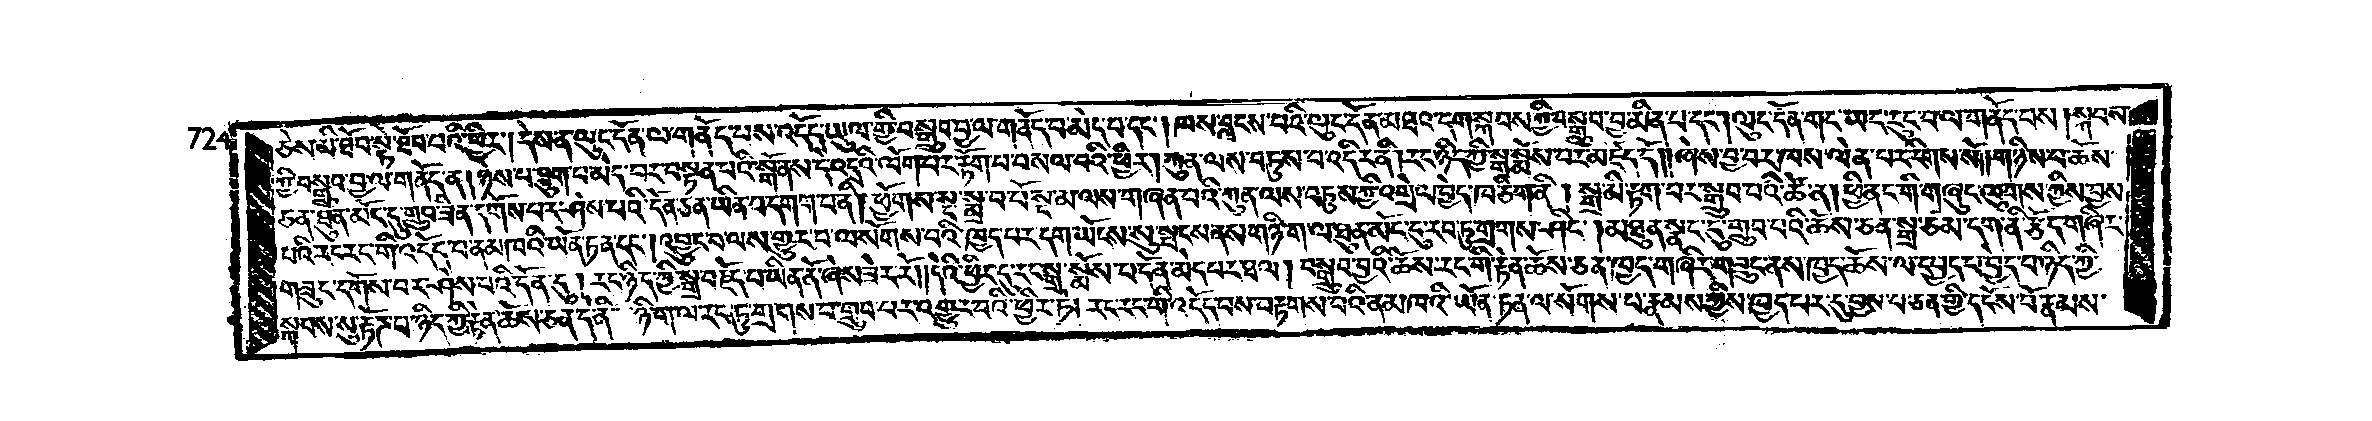ཅེས་མི་ཐོབ་སྟེ་ཐོབ་པའི་ཕྱིར། དེས་ན་ལུང་དོན་ལ་གནོད་པས་འདོད་ཡུལ་གྱི་བསྒྲུབ་བྱ་ལ་གནོད་པ་མེད་པ་དང་། ཁས་བླངས་པའི་ལུང་དོན་མཐའ་དག་སྐབས་ཀྱི་བསྒྲུབ་བྱ་མིན་པ་དང་། ལུང་དོན་གང་ཡང་རུང་བ་ལ་གནོད་པས། སྐབས་
ཀྱི་བསྒྲུབ་བྱ་ལ་གནོད་ན། ཉེས་པ་ཐུག་པ་མེད་པར་བསྟན་པའི་སྒོ་ནས་དེ་འདྲའི་ལོག་པར་རྟོག་པ་བསལ་བའི་ཕྱིར། ཀུན་ལས་བཏུས་པ་འདིར་ནི། རང་ཉིད་ཀྱི་སྒྲ་སྨོས་པར་མཛད་དོ། །ཞེས་བྱ་བར་ཁས་ལེན་པར་རིགས་སོ། །གཉིས་པ་ཆོས་
ཅན་ཐུན་མོང་དུ་གྲུབ་ཟིན་དགོས་པར་ཤེས་པའི་དོན་ཅན་ཡིན་པ་དགག་པ་ནི། ཕྱོགས་སྔ་སྨྲ་བ་པོ་སྔ་མ་ལས་གཞན་པའི་ཀུན་ལས་བཏུས་ཀྱི་འགྲེལ་བྱེད་ཁ་ཅིག་ནི། སྒྲ་མི་རྟག་པར་སྒྲུབ་པའི་ཚེ་ན། ཕྱི་ནང་གི་གཞུང་ལུགས་ཀྱིས་བྱས་
པའི་རང་རང་གི་འདོད་པ་ནམ་མཁའི་ཡོན་ཏན་དང་། འབྱུང་བ་ལས་གྱུར་བ་ལ་སོགས་པའི་ཁྱད་པར་དག་ཡོངས་སུ་སྤངས་ནས་གཉི་ག་ལ་ཐུན་མོང་དུ་རབ་ཏུ་གྲགས་ཤིང་། མཐུན་སྣང་དུ་གྲུབ་པའི་ཆོས་ཅན་སྒྲ་ཙམ་དག་ནི་རྩོད་གཞིར་
གཟུང་དགོས་པར་ཤེས་པའི་དོན་དུ། རང་ཉིད་ཀྱི་སྒྲ་བརྗོད་པ་ཡིན་ནོ་ཞེས་ཟེར་རོ། །དེའི་ཕྱིར་དུ་རང་སྒྲ་སྨོས་པ་དོན་མེད་པར་ཐལ། བསྒྲུབ་བྱའི་ཆོས་རང་གི་རྟེན་ཆོས་ཅན་ཁྱད་གཞིར་གཟུང་ནས་ཁྱད་ཆོས་ལ་དཔྱད་པ་བྱེད་པ་ཉིད་ཀྱི་
སྐབས་སུ་རྟོགས་པ་ཉིད་ཀྱི་རྟེན་ཆོས་ཅན་དེ་ནི་གཉི་ག་ལ་རབ་ཏུ་གྲགས་པ་གྲུབ་པར་འགྱུར་བའི་ཕྱིར་ཏེ། རང་རང་གི་འདོད་པས་བརྟགས་པའི་ནམ་མཁའི་ཡོན་ཏན་ལ་སོགས་པ་རྣམས་ཀྱིས་ཁྱད་པར་དུ་བྱས་པ་ཅན་གྱི་དངོས་པོ་རྣམས་